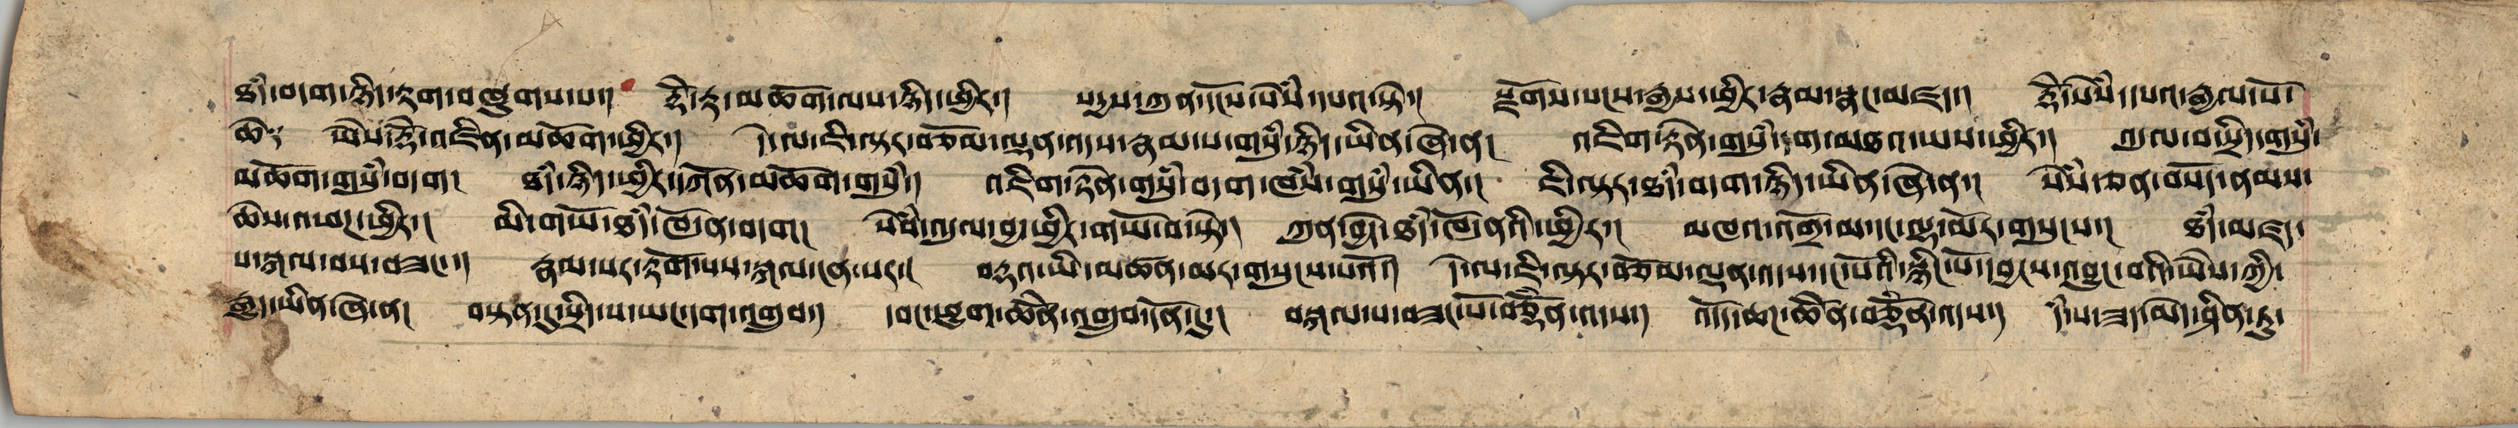ཐདཾ་བདག་ཉིད་རྟག་བཞུགས་པ་། རྡོེ་རྟ་མཆོག་ལས་ཉིད་ཕྱིར་། སདྱས་ཀུན་དངོས་སེཾས་དཔའ་སྟེ་། སྫོགས་སངས་རྒྱས་ཕྱིར་རྣམ་སྣང་མཛད་། རྡོེ་སེཾས་དཔའ་རྒྱལ་པོ་
ཆེ༑ ཡཻས་རྡོེ་འཛིན་མཆོག་ཕྱིར་། དེ་ལ་ཇི་ལྟར་བཅོམ་ལྡན་འདས་རྣམ་པ་གསུཾ་ཉིད་ཡིན་ཞེ་ན། འཇིག་རྟེན་གསུཾ་དག་མཐའ་ཡས་ཕྱིར་། འདུལ་བ་སྲིད་གསུཾ་
མཆོག་གསུཾ་བདག། ཐདཾ་ཉིད་ཕྱིར་དཀོན་མཆོག་གསུཾ་། འཇིག་རྟེན་གསུཾ་བདག་ཁཾས་གསུཾ་ཡིན་། ཇི་ལྟར་ཐདཾ་བདག་ཉིད་ཡིན་ཞེ་ན་། སེཾས་ཅན་བསོད་ནམས་
ཆེས་འཕཌ་ཕྱིར་། མི་གཡོ་ཐདཾ་ཁོ་ན་བདག། སེཾས་འདུལ་བྱ་ཕྱིར་གཡོ་བ་སྟེ་། ཀུན་བྱེད་ཐདཾ་ཁོ་ནའི་ཕྱིར་། མཁའ་འགྲོ་མ་དང་ལྷ་མོར་གསུངས་། ཐདཾ་མཛད་
པ་སྐལ་བས་བཟང་་། རྣམ་པར་རྟོག་པས་སྐལ་ངན་པར་། བརྡའ་ཡི་མཚན་མར་གསུངས་པའོ་། དེ་ལ་ཇི་ལྟར་བཅོམ་ལྡན་འདས་དང་པོའི་སྙིང་པོ་དབྱངས་འབྱུང་བའི་ཡཻས་ཀྱི་
རྒྱུད་ཡིན་ཞེ་ན། བསྟན་དུ་སྲིད་པ་ཡང་དག་འགྲུབ་། དབང་ཕྱུག་ཆེནོ་འགྲུབ་དོན་དུ་། བསྐལ་པ་བཟང་པོ་བཅྡོཾན་འདས་། འདོད་ཆཌ་ཆེོན་བཅྡོཾན་འདས་། དཾ་པ་ཟད་མེད་ཤིན་ཏུ་